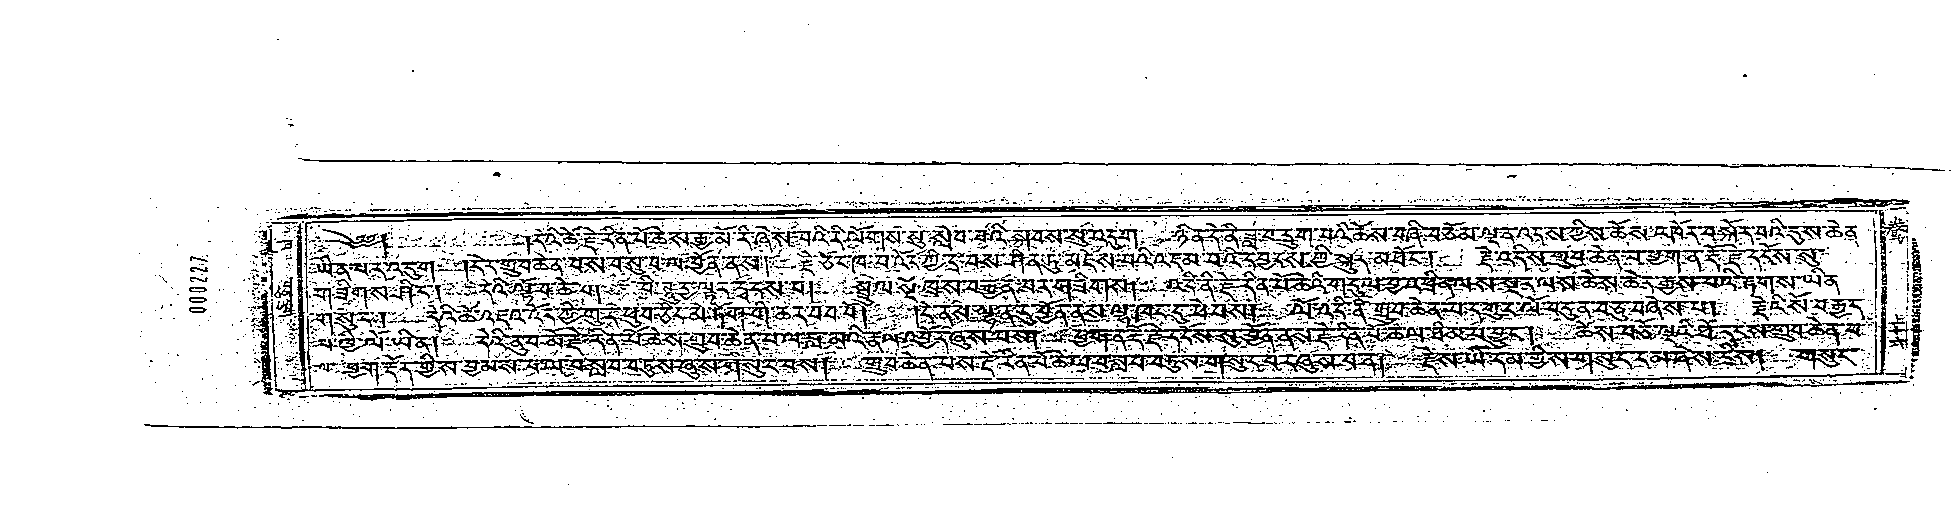༄༅། །དེའི་ཚེ་རྗེ་རིན་པོ་ཆེས་རྒྱ་མོ་རི་ཞེས་པའི་རི་ལོགས་སུ་སླེབ་པའི་སྐབས་སུ་འདུག་ཉིན་དེ་ནི་ཟླ་བ་དྲུག་པའི་ཚེས་བཞི་བཅོམ་ལྡན་འདས་ཀྱིས་ཆོས་འཁོར་བསྐོར་བའི་དུས་ཆེན་
ཡིན་པར་འདུག །དེར་གྲུབ་ཆེན་པས་བསུ་བ་ལ་བྱོན་ནས། རྗེ་ཙོང་ཁ་བ་འོད་ཀྱི་དྲ་བས་ཤིན་ཏུ་མཛེས་པའི་འཇམ་པའི་དབྱངས་ཀྱི་སྐུར་མཐོང་། རྗེ་འདིས་གྲུབ་ཆེན་པ་ཕྱག་ན་རྡོ་རྗེ་དངོས་སུ་
གཟིགས་ཤིང་། དེའི་ལྟོ་བ་ཆེ་བ། བི་ཊཱུདྱ་ལྟར་དྭངས་པ། སྦྲུལ་སྔོ་ཁྲས་བརྒྱན་བར་གཟིགས། འདི་ནི་རྗེ་རིན་པོ་ཆེའི་གདུལ་བྱ་འཕྲིན་ལས་སྔར་ལས་ཆེས་ཆེར་རྒྱས་པའི་རྟགས་ཡིན་
གསུང་། དེའི་ཚེ་འཇའ་འོད་ཀྱི་གུར་ཕུབ་ཅིང་མེ་ཏོག་གི་ཆར་བབ་བོ། །དེ་ནས་ལྷན་དུ་བྱོན་ནས་ལྷ་ཁང་དུ་ཕེབས། ལོ་འདི་ནི་གྲུབ་ཆེན་པ་དགུང་ལོ་བདུན་བཅུ་བཞེས་པ། རྗེའི་སོ་བརྒྱད་
པ་ཁྱི་ལོ་ཡིན། དེའི་ནུབ་མོ་རྗེ་རིན་པོ་ཆེས་གྲུབ་ཆེན་པ་ལ་བླ་མའི་རྣལ་འབྱོར་ཞུས་པས། ཕྱག་ན་རྡོ་རྗེ་དངོས་སུ་བྱོན་ནས་རྗེ་རིན་པོ་ཆེ་ལ་ཐིམ་པ་བྱུང་། ཆོས་བཅོ་ལྔའི་ཐོ་རངས་གྲུབ་ཆེན་པ་
ལ་ཕྱག་རྡོར་གྱིས་བྱམས་པ་ལ་བསླབ་བཏུས་ཞུས་གསུང་བས། གྲུབ་ཆེན་པས་རྗེ་རིན་པོ་ཆེ་ལ་བསླབ་བཏུས་གསུང་བར་ཞུས་པ་ན། རྗེས་ཡི་དམ་གྱིས་གསུང་དམ་ཞེས་དྲིས། གསུང་